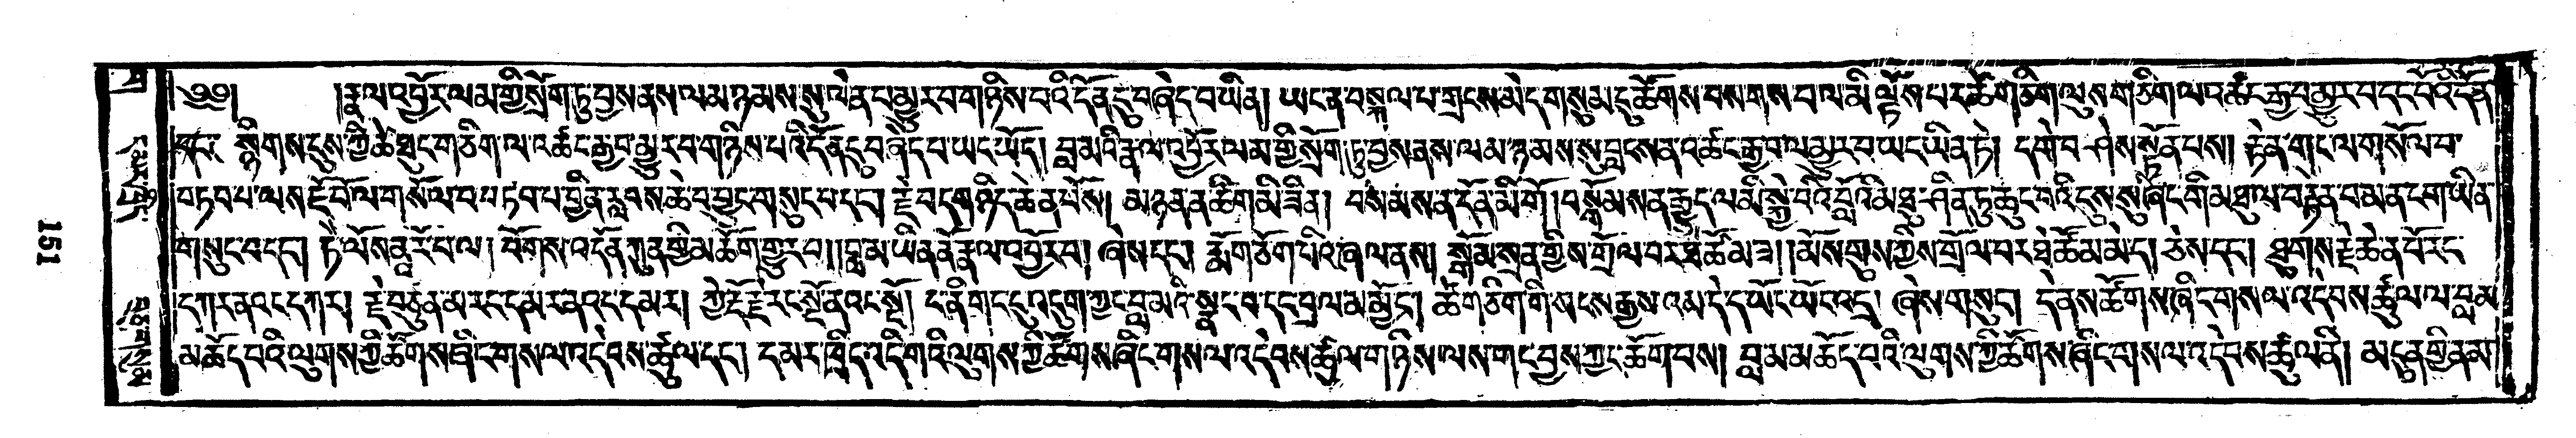༄༅། །རྣལ་འབྱོར་ལམ་གྱི་སྲོག་ཏུ་བྱས་ནས་ལམ་ཉམས་སུ་ལེན་པ་མྱུར་བ་གཉིས་པའི་དོན་དུ་བཞེད་བ་ཡིན། ཡང་ན་བསྐལ་པ་གྲངས་མེད་གསུམ་དུ་ཚོགས་བསགས་བ་ལ་མི་ལྟོས་པར་ཚེ་གཅིག་ལུས་གཅིག་ལ་འཚང་རྒྱ་བ་མྱུར་བ་དང་པོའི་དོན་
དང༑ སྙིགས་དུས་ཀྱི་ཚེ་ཐུང་གཅིག་ལ་འཚང་རྒྱ་བ་མྱུར་བ་གཉིས་པའི་དོན་དུ་བཞེད་པ་ཡང་ཡོད། བླ་མའི་རྣལ་འབྱོར་ལམ་གྱི་སྲོག་ཏུ་བྱས་ནས་ལམ་ཉམས་སུ་བླངས་ན་འཚང་རྒྱ་བ་ལ་མྱུར་བ་ཡང་ཡིན་ཏེ། དགེ་བཤེས་སྟོན་པས། རྟེན་གང་ལ་གསོལ་བ་
བཏབ་པ་ལས་ཇོ་བོ་ལ་གསོལ་བ་བཏབ་པ་བྱིན་རླབས་ཆེ་བ་བྱུང་གསུང་པ་དང་། རྗེ་བདག་ཉིད་ཆེན་པོས། མཉན་ན་ཚིག་མི་ཟིན། བསམས་ན་དོན་མི་གོ །བསྒོམས་ན་རྒྱུད་ལ་མི་སྐྱེ་བའི་བློའི་མཐུ་ཤིན་ཏུ་ཆུང་བའི་དུས་སུ་ཞིང་གི་མཐུ་ལ་བརྟེན་བ་མན་ངག་ཡིན་
གསུང་བ་དང་། ཏེ་ལོས་ནཱ་རོ་པ་ལ། བོགས་འདོན་ཀུན་གྱི་མཆོག་གྱུར་པ། །བླ་མ་ཡིན་ནོ་རྣལ་འབྱོར་བ། ཞེས་དང་། རྨོག་ཅོག་པའི་ཞལ་ནས། སྒོམ་སྲན་གྱིས་གྲོལ་བར་ཐེ་ཚོམ་ཟ། །མོས་གུས་ཀྱིས་འགྲོལ་བར་ཐེ་ཚོམ་མེད། །ཅེས་དང་། ཐུགས་རྗེ་ཆེན་པོ་རང་
དཀར་ནའང་དཀར། རྗེ་བཙུན་མ་རང་དམར་ནའང་དམར། ཀྱེ་རྡོ་རྗེ་རང་སྔོ་ནའང་སྔོ། ང་ནི་གང་དུ་འདུག་ཀྱང་བླ་མའི་སྣང་བ་དང་བྲལ་མ་མྱོང་། ཚེ་གཅིག་གི་སངས་རྒྱས་འམ་དེ་ད་ཡོང་ཡོང་འདྲ། །ཞེས་གསུང་། དེ་ནས་ཚོགས་ཞིང་གསལ་འདེབས་ཚུལ་ལ་བླ་མ་
མཆོད་པའི་ལུགས་ཀྱི་ཚོགས་ཞིང་གསལ་འདེབས་ཚུལ་དང་། དམར་ཁྲིད་འདི་གའི་ལུགས་ཀྱི་ཚོགས་ཞིང་གསལ་འདེབས་ཚུལ་གཉིས་ལས་གང་བྱས་ཀྱང་ཆོག་པས། བླ་མ་མཆོད་པའི་ལུགས་ཀྱི་ཚོགས་ཞིང་གསལ་འདེབས་ཚུལ་ནི། མདུན་གྱི་ནམ་